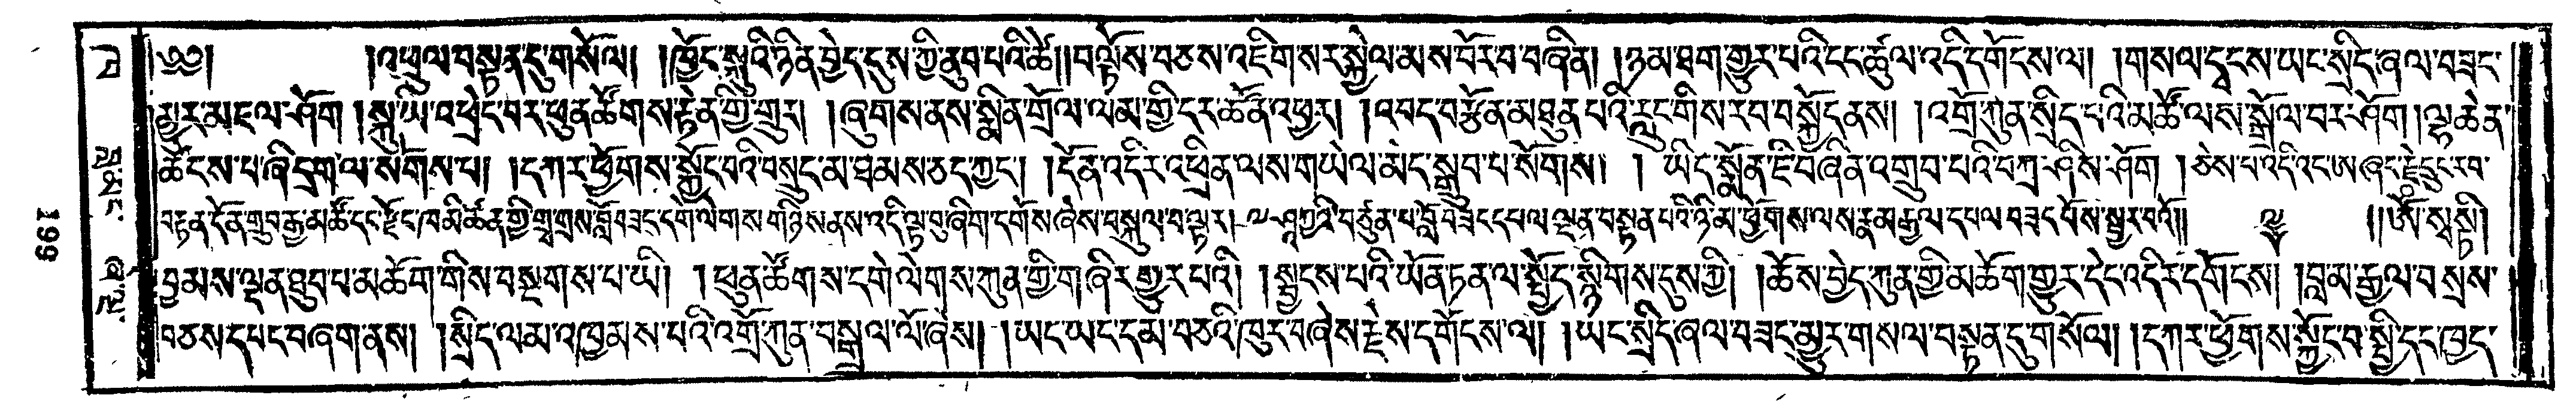༄༅། །འཕྲུལ་བསྟན་དུ་གསོལ། །ཁྱོད་སྐུའི་ཉིན་བྱེད་དུས་ཀྱི་ནུབ་པའི་ཚེ། །བལྟོས་བཅས་འཇིག་སར་སྐྱེལ་མས་བོར་བ་བཞིན། །ཉམ་ཐག་གྱུར་པའི་ངང་ཚུལ་འདི་དགོངས་ལ། །གསལ་དྭངས་ཡང་སྲིད་ཞལ་བཟང་
མྱུར་མཇལ་ཤོག །སྐུ་ཡི་འཕྲེང་བར་ཕུན་ཚོགས་རྟེན་གྱི་གྲུར། །ཞུགས་ནས་སྨིན་གྲོལ་ལམ་གྱི་དར་ཚོན་འཕྱར། །འབད་བརྩོན་མཐུན་པའི་རླུང་གིས་རབ་བསྐྱོད་ནས། །འགྲོ་ཀུན་སྲིད་པའི་མཚོ་ལས་སྒྲོལ་བར་ཤོག །ལྷ་ཆེན་
ཚངས་པ་ཞི་དྲག་ལ་སོགས་པ། །དཀར་ཕྱོགས་སྐྱོང་བའི་བསྲུང་མ་ཐམས་ཅད་ཀྱང་། །དོན་འདིར་འཕྲིན་ལས་གཡེལ་མེད་སྒྲུབ་པ་སོགས། །ཡིད་སྨོན་ཇི་བཞིན་འགྲུབ་པའི་བཀྲ་ཤིས་ཤོག །ཅེས་པ་འདི་འང་ཨ་ཞང་རྗེ་དྲུང་རབ་
བརྟན་དོན་གྲུབ་རྒྱ་མཚོ་དང་རྫོང་ཁ་མི་ཚན་གྱི་གྲྭ་གྲས་བློ་བཟང་དགེ་ལེགས་གཉིས་ནས་འདི་ལྟ་བུ་ཞིག་དགོས་ཞེས་བསྐུལ་བ་ལྟར། ༧་ཤཱཀྱའི་བཙུན་པ་བློ་བཟང་དཔལ་ལྡན་བསྟན་པའི་ཉི་མ་ཕྱོགས་ལས་རྣམ་རྒྱལ་དཔལ་བཟང་པོས་སྦྱར་བའོ།། ༈ །།ཨོཾ་སྭསྟི།
བྱམས་ལྡན་ཐུབ་པ་མཆོག་གིས་བསྔགས་པ་ཡི། །ཕུན་ཚོགས་དགེ་ལེགས་ཀུན་གྱི་གཞིར་གྱུར་པའི། །སྦྱངས་པའི་ཡོན་ཏན་ལ་སྦྱོད་སྙིགས་དུས་ཀྱི། །ཆོས་བྱེད་ཀུན་གྱི་མཆོག་གྱུར་དེང་འདིར་དགོངས། །བླ་མ་རྒྱལ་བ་སྲས་
བཅས་དབང་བཞག་ནས། །སྲིད་ལམ་འཁྱམས་པའི་འགྲོ་ཀུན་བསྒྲལ་ལོ་ཞེས། །ཡང་ཡང་དམ་བཅའི་ཁུར་བཞེས་རྗེས་དགོངས་ལ། །ཡང་སྲིད་ཞལ་བཟང་མྱུར་གསལ་བསྟན་དུ་གསོལ། །དཀར་ཕྱོགས་སྐྱོང་བ་སྤྱི་དང་ཁྱད་